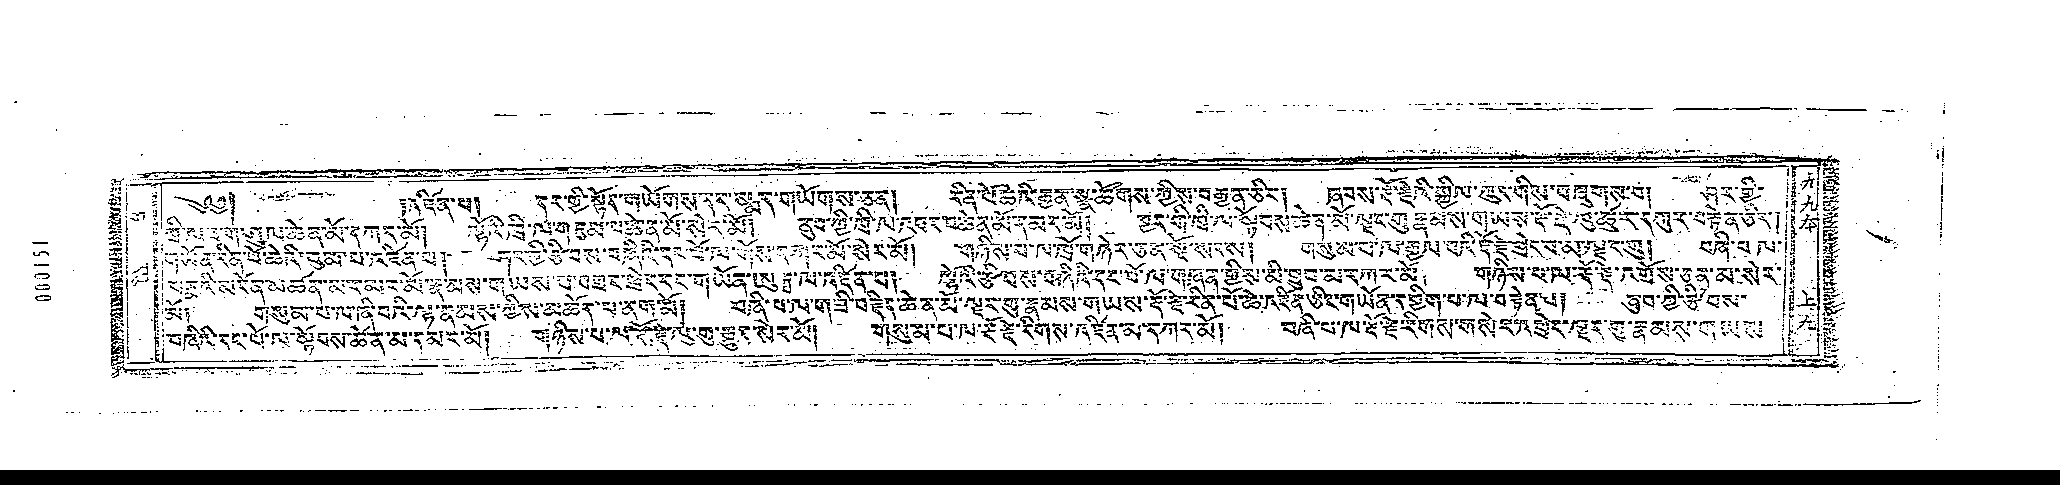༄༅། །འཛིན་པ། དར་གྱི་སྟོང་གཡོགས་དང་སྨད་གཡོགས་ཅན། རིན་པོ་ཆེའི་རྒྱན་སྣ་ཚོགས་ཀྱིས་བརྒྱན་ཅིང་། ཞབས་རྡོ་རྗེའི་སྐྱིལ་ཀུང་གིས་བཞུགས་པ། ཤར་གྱི་
ཁྲི་ལ་དྲག་ཤུལ་ཆེན་མོ་དཀར་མོ། ལྷོའི་ཁྲི་ལ་གཏུམ་པ་ཆེན་མོ་སེར་མོ། ནུབ་ཀྱི་ཁྲི་ལ་འབར་བ་ཆེན་མོ་དམར་མོ། བྱང་གི་ཁྲི་ལ་སྟོབས་ཆེན་མོ་ལྗང་གུ་རྣམས་གཡས་རྡོ་རྗེ་ཁུ་ཚུར་དཀུར་བརྟེན་ཅིང་།
གཡོན་རིན་པོ་ཆེའི་བུམ་པ་འཛིན་པ། ཤར་གྱི་རྩི་བས་བཞིའི་དང་པོ་ལ་གོས་དཀར་མོ་སེར་མོ། གཉིས་པ་ལ་ཁྲོ་གཉེར་ཅན་སྔོ་སངས། གསུམ་པ་ལ་རྒྱལ་བའི་རྡོ་རྗེ་བྲེང་བ་མ་ལྗང་གུ། བཞི་པ་ལ་
པདམའི་མངོན་མཚན་མ་དམར་མོ་རྣམས་གཡས་པ་བགྲང་ཕྲད་དང་གཡོན་ཨུཏྤལ་ལ་འཛིན་པ། ལྷོའི་རྩིབས་བཞིའི་དང་པོ་ལ་གཞན་གྱིས་མི་ཐུབ་མ་དཀར་མོ། གཉིས་བ་ལ་རྡོ་རྗེ་འགྲོས་ཅན་མ་སེར་
མོ། གསུམ་པ་ལ་ཞི་བའི་ལྷ་རྣམས་ཀྱིས་མཆོད་པ་ནག་མོ། བཞི་པ་ལ་གཞི་བརྗིད་ཆེན་མོ་ལྗང་གུ་རྣམས་གཡས་རྡོ་རྗེ་རིན་པོ་ཆེ་འཛིང་ཅིང་གཡོན་དབྱིག་པ་ལ་བརྟེན་པ། ནུབ་ཀྱི་རྩིབས་
བཞིའི་དང་པོ་ལ་སྟོབས་ཆེན་མ་དམར་མོ། གཉིས་པ་ལ་རྡོ་རྗེ་ལུ་གུ་རྒྱུད་སེར་མོ། གསུམ་པ་ལ་རྡོ་རྗེ་རིགས་འཛིན་མ་དཀར་མོ། བཞི་པ་ལ་རྡོ་རྗེ་རིགས་གསེར་འཕྲེང་ལྗང་གུ་རྣམས་གཡས་